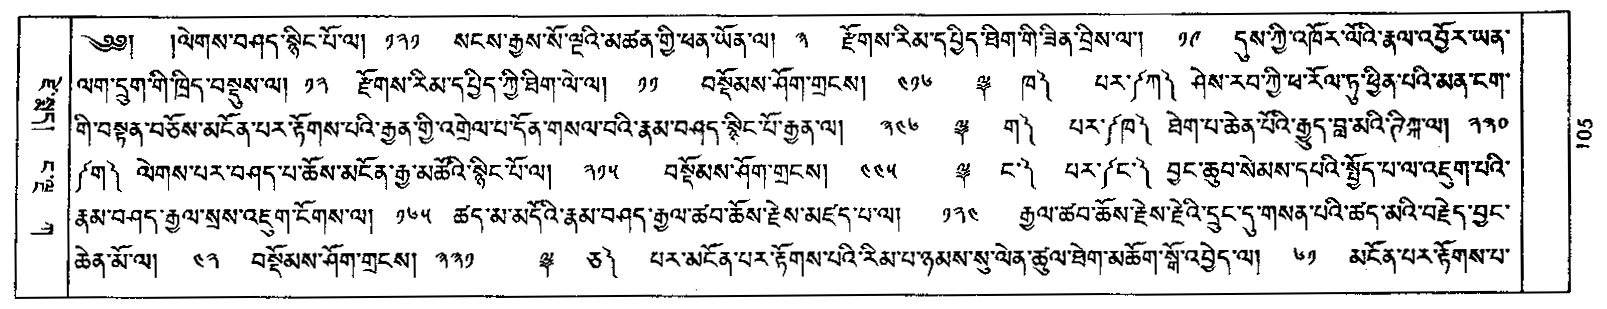༄༅། །ལེགས་བཤད་སྙིང་པོ་ལ། ༡༢༡་སངས་རྒྱས་སོ་ལྔའི་མཚན་གྱི་ཕན་ཡོན་ལ། ༣་རྫོགས་རིམ་དཔྱིད་ཐིག་གི་ཟིན་བྲིས་ལ། ༡༩་དུས་ཀྱི་འཁོར་ལོའི་རྣལ་འབྱོར་ཡན་
ལག་དྲུག་གི་ཁྲིད་བསྡུས་ལ། ༡༢་རྫོགས་རིམ་དཔྱིད་ཀྱི་ཐིག་ལེ་ལ། ༡༡་བསྡོམས་ཤོག་གྲངས། ༤༡༦་༈ ཁ྄་པར་ཀ྄་ཤེས་རབ་ཀྱི་ཕ་རོལ་ཏུ་ཕྱིན་པའི་མན་ངག་
གི་བསྟན་བཅོས་མངོན་པར་རྟོགས་པའི་རྒྱན་གྱི་འགྲེལ་པ་དོན་གསལ་བའི་རྣམ་བཤད་སྙིང་པོ་རྒྱན་ལ། ༣༤༦་༈ ག྄་པར་ཁ྄་ཐེག་པ་ཆེན་པོའི་རྒྱུད་བླ་མའི་ཊིཀྐ་ལ། ༢༣༠
༼ག྄་ལེགས་པར་བཤད་པ་ཆོས་མངོན་རྒྱ་མཚོའི་སྙིང་པོ་ལ། ༢༡༥་བསྡོམས་ཤོག་གྲངས། ༤༤༥་༈ ང྄་པར་༽ང྄་བྱང་ཆུབ་སེམས་དཔའི་སྤྱོད་པ་ལ་འཇུག་པའི་
རྣམ་བཤད་རྒྱལ་སྲས་འཇུག་ངོགས་ལ། ༡༦༥་ཚད་མ་མདོའི་རྣམ་བཤད་རྒྱལ་ཚབ་ཆོས་རྗེས་མཛད་པ་ལ། ༡༢༤་རྒྱལ་ཚབ་ཆོས་རྗེས་རྗེའི་དྲུང་དུ་གསན་པའི་ཚད་མའི་བརྗེད་བྱང་
ཆེན་མོ་ལ། ༤༢་བསྡོམས་ཤོག་གྲངས། ༣༣༡་༈ ཅ྄་པར་མངོན་པར་རྟོགས་པའི་རིམ་པ་ཉམས་སུ་ལེན་ཚུལ་ཐེག་མཆོག་སྒོ་འབྱེད་ལ། ༦༡་མངོན་པར་རྟོགས་པ་